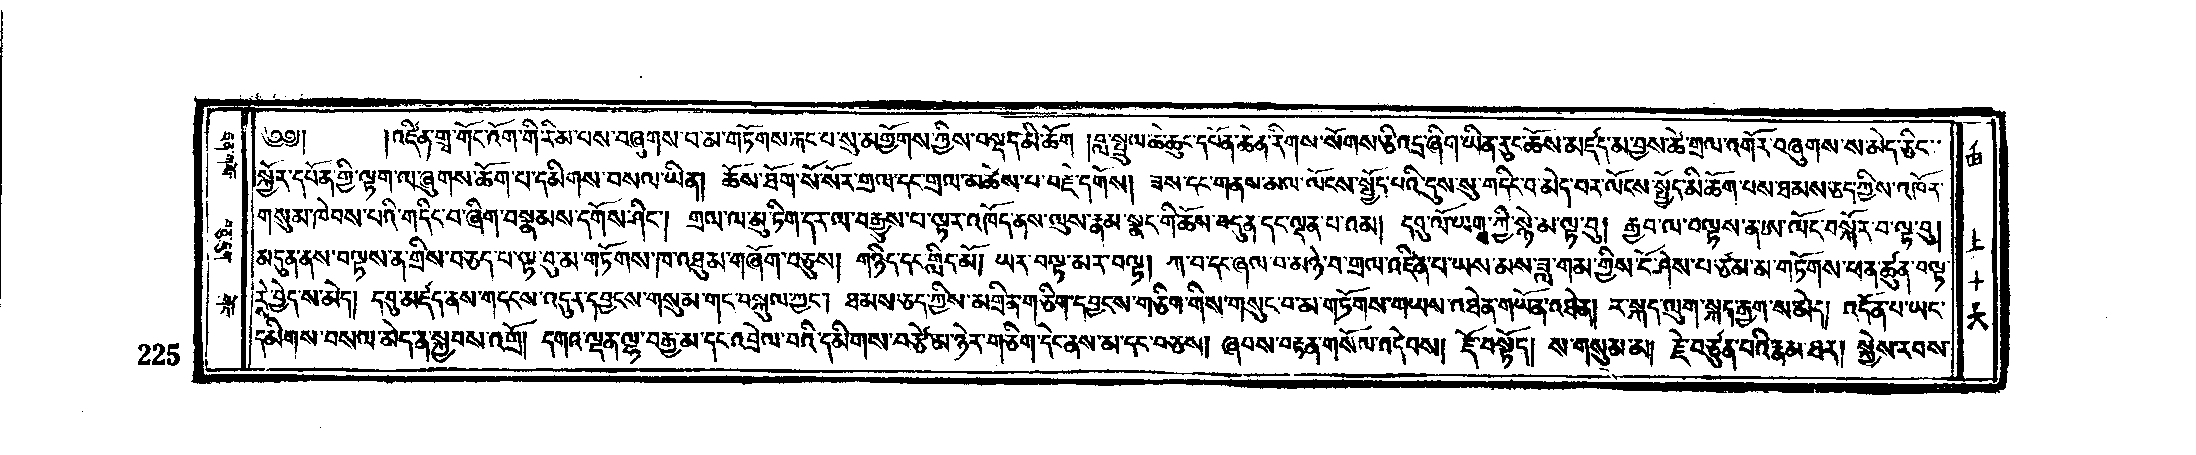༄༅། །འཛིན་གྲྭ་གོང་འོག་གི་རིམ་པས་བཞུགས་པ་མ་གཏོགས་རྐང་པ་སུ་མགྱོགས་ཀྱིས་བསྡད་མི་ཆོག །བླ་སྤྲུལ་ཆེ་ཆུང་དཔོན་ཆེན་རིགས་སོགས་ཅི་འདྲ་ཞིག་ཡིན་རུང་ཆོས་མཛད་མ་བྱས་ཚེ་གྲལ་འགོར་བཞུགས་ས་མེད་ཅིང་
སྐྱོར་དཔོན་གྱི་ལྟག་ལ་ཞུགས་ཆོག་པ་དམིགས་བསལ་ཡིན། ཆོས་ཐོག་སོ་སོར་གྲལ་དང་གྲལ་མཚེས་པ་བརྗེ་དགོས། ཟས་དང་གནས་མལ་ལོངས་སྤྱོད་པའི་དུས་སུ་གདིང་བ་མེད་པར་ལོངས་སྤྱོད་མི་ཆོག་པས་ཐམས་ཅད་ཀྱིས་འཁོར་
གསུམ་ཁེབས་པའི་གདིང་བ་ཞིག་བསྣམས་དགོས་ཤིང་། གྲལ་ལ་མུ་ཏིག་དར་ལ་བརྒྱུས་པ་ལྟར་འཁོད་ནས་ལུས་རྣམ་སྣང་གི་ཆོས་བདུན་དང་ལྡན་པ་འམ། དབུ་ལོ་ཡགས་ཀྱི་སྙེ་མ་ལྟ་བུ། རྒྱབ་ལ་བལྟས་ན་ཨ་ལོང་བསྐོར་བ་ལྟ་བུ།
མདུན་ནས་བལྟས་ན་གྲིས་བཅད་པ་ལྟ་བུ་མ་གཏོགས་ཁ་འཐུམ་གཞོག་བཅུས། གཉིད་དང་གླིང་མོ། ཡར་བལྟ་མར་བལྟ། ཀ་བ་དང་ཞལ་བ་མཉེ་བ་གྲལ་འཛིན་པ་ཡས་མས་ཟླ་གམ་གྱིས་ངོ་ཤེས་པ་ཙམ་མ་གཏོགས་ཕན་ཚུན་བལྟ་
རེས་བྱེད་ས་མེད། དབུ་མཛད་ནས་གདངས་འདུར་དབྱངས་གསུམ་གང་བསྐུལ་ཀྱང་། ཐམས་ཅད་ཀྱིས་མགྲིན་གཅིག་དབྱངས་གཅིག་གིས་གསུང་བ་མ་གཏོགས་གཡས་འཐེན་གཡོན་འཐེན། ར་སྐད་ལུག་སྐད་རྒྱག་ས་མེད། འདོན་པ་ཡང་
དམིགས་བསལ་མེད་ན་སྐྱབས་འགྲོ། དགའ་ལྡན་ལྷ་བརྒྱ་མ་དང་འབྲེལ་བའི་དམིགས་བརྩེ་མ་ཉེར་གཅིག་དེང་ནས་མ་དང་བཅས། ཞབས་བརྟན་གསོལ་འདེབས། ཇོ་བསྟོད། ས་གསུམ་མ། རྗེ་བཙུན་པའི་རྣམ་ཐར། སྐྱེས་རབས་